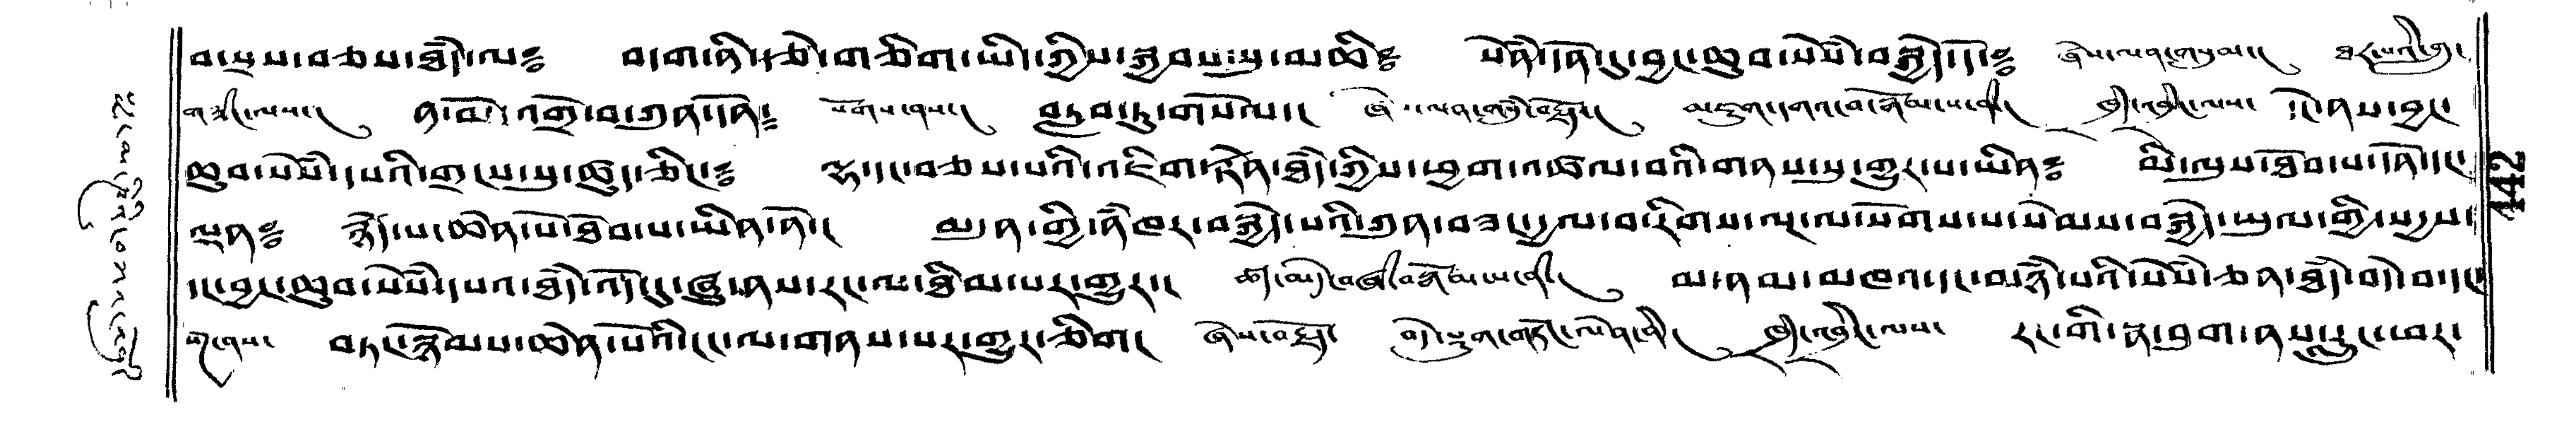བ་སྲས་བཅས་ཐམས་ཅད་ལ༔ བདག་ནི་རྩེ་གཅིག་ཡིད་ཀྱིས་སྐྱབས་སུ་མཆི༔ སེམས་ཅན་དོན་དུ་བྱང་ཆུབ་སེམས་བསྐྱེད་དོ༔ ཞེས་ལན་གསུམ། ཐར་པའི་གྲུ་
གཟིངས་ལས། ན་མོ། འགྲོ་བ་ཀུན་དོན༴ སོགས་ནས། བརླབ་ཏུ་གསོལ། ཞེས་ལན་གསུམ་བརྗོད། མཇུག་དགའ་བ་སྒོམ་པ་ནི། ཁྲིད་འབྲིང་ལས། དེང་ནས་བྱང་
ཆུབ་སེམས་དཔའི་གྲངས་སུ་ཚུད་ཅིང༔ ལྷ་དང་བཅས་པའི་འཇིག་རྟེན་ཐམས་ཅད་ཀྱིས་ཕྱག་འཚལ་བའི་གནས་སུ་གྱུར་བ་ཡིན༔ མི་ལུས་ཐོབ་པ་དོན་དང་
ལྡན༔ རྙེད་པ་ཆེན་པོ་ཐོབ་པ་ཡིན་ནོ༔ མདུན་གྱི་ནམ་མཁར་བསྐྱེད་པའི་ཀུན་བཟང་རྒྱལ་བ་རིགས་ལྔ་ལ་སོགས་པ་སེམས་བསྐྱེད་ཡུལ་གྱི་སངས་རྒྱས་
དང་བྱང་ཆུབ་སེམས་དཔའ་ཐམས་ཅད་འོད་དུ་ཞུ་ནས་རང་ལ་ཐིམ་པར་གྱུར༔ ཚད་མེད་བཞི་བསྒོམ་པ་ནི། མ་ནམ་མཁའ་དང་མཉམ་པའི་སེམས་ཅན་ཐམ་ཅད་བདེ་བ་དང༴ 
སོགས་ནས། བཏང་སྙོམས་ཆེན་པོའི་ངང་ལ་གནས་པར་གྱུར་ཅིག ཞེས་བརྗོད། བདེ་སྡུག་གཏོང་ལེན་ནི། ཁྲིད་འབྲིང་ལས། རང་གི་སྣ་བུག་ནས་རླུང་ཕར་